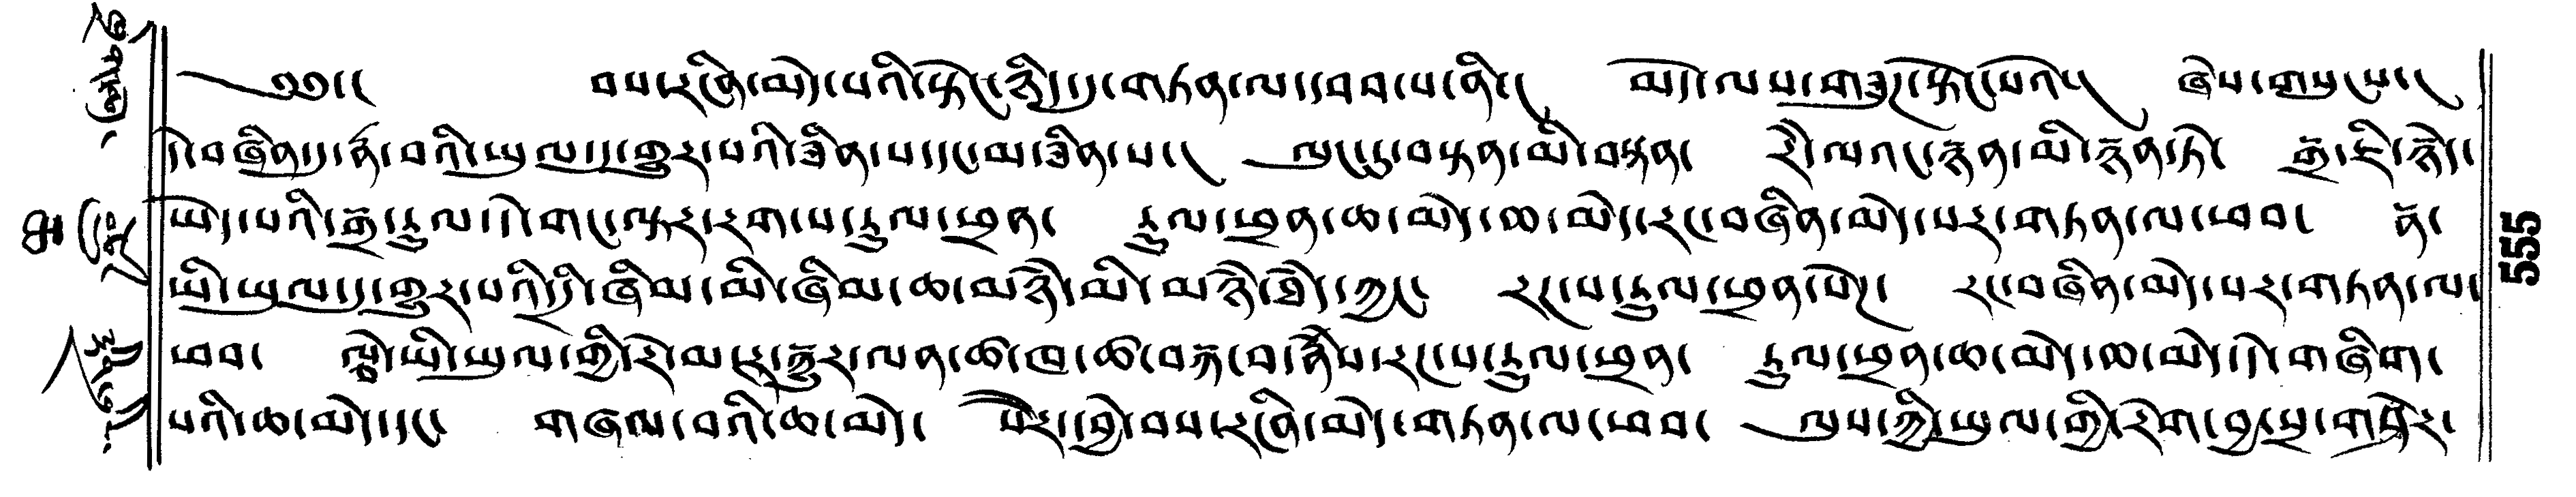བས་རང་བཞིན་མེད་པའི་སྟོང་ཉིད་དུ་གཏན་ལ་དབབ་པ་ནི། མདོ་ལས་གཟུགས་སྟོང་པའོ། ཞེས་གསུངས། 
དེ་བཞིན་དུ་རྣ་བའི་ཡུལ་དུ་གྱུར་པའི་ཟིན་པ་དང་མ་ཟིན་པ། ལུང་དུ་སྟོན་མི་སྟོན། རེ་རེ་ལའང་སྙན་མི་སྙན་ཏེ། སྒྲ་ཇི་སྙེད་
ཡོད་པའི་སྒྲ་རྡུལ་དེ་གང་ལྟར་རགས་པ་རྡུལ་ཕྲན། རྡུལ་ཕྲན་ཆ་མེད། ཆ་མེད་རང་བཞིན་མེད་པར་གཏན་ལ་ཕབ། སྣ་
ཡི་ཡུལ་དུ་གྱུར་པའི་དྲི་ཞིམ་མི་ཞིམ་ཆ་མཉམ་མི་མཉམ་ཐམས་ཅད་ཀྱང་། རགས་པ་རྡུལ་ཕྲན་སོགས། རང་བཞིན་མེད་པར་གཏན་ལ་
ཕབ། ལྕེ་ཡི་ཡུལ་གྱི་རོ་མངར་སྐྱུར་ལན་ཚྭ་ཁ་ཚ་བསྐ་བ་རྣམས་རགས་པ་རྡུལ་ཕྲན། རྡུལ་ཕྲན་ཆ་མེད། ཆ་མེད་དེ་ཞིག་
པའི་ཆ་མེད་དང་། གཞལ་བའི་ཆ་མེད། སོ་སོར་དབྱེ་བས་རང་བཞིན་མེད་གཏན་ལ་ཕབ། ལུས་ཀྱི་ཡུལ་གྱི་རེག་བྱ་སྲ་གཤེར།